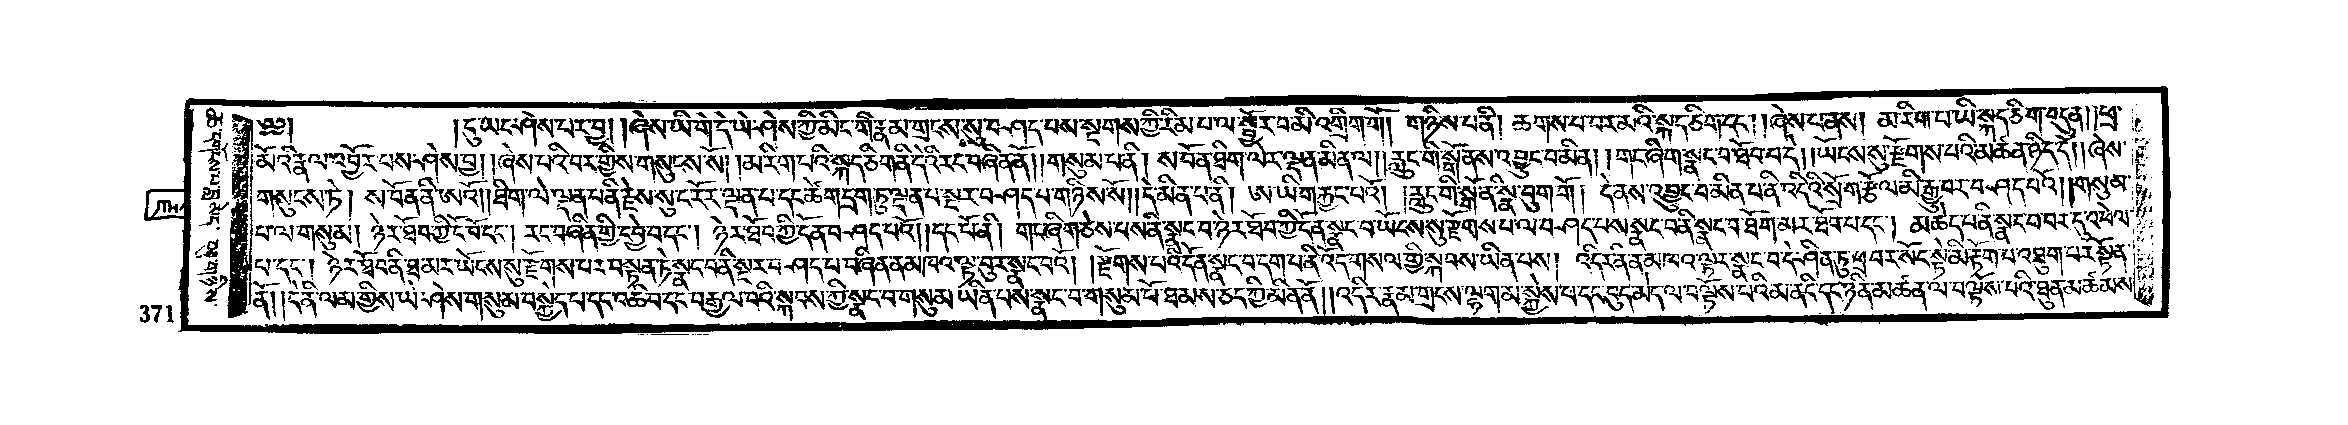༄༅། །དུ་ཡང་ཤེས་པར་བྱ། །ཞེས་ཡི་གེ་དེ་ཡེ་ཤེས་ཀྱི་མིང་གི་རྣམ་གྲངས་སུ་བཤད་པས་སྔགས་ཀྱི་རིམ་པ་ལ་སྦྱོར་བ་མི་འགྲིག་གོ། གཉིས་པ་ནི། ཆགས་པ་བར་མའི་སྐད་ཅིག་དང་། །ཞེས་པ་ནས། མ་རིག་པ་ཡི་སྐད་ཅིག་བདུན། །ཕྲ་
མོའི་རྣལ་འབྱོར་པས་ཤེས་བྱ། །ཞེས་པའི་བར་གྱིས་གསུངས་སོ། །མ་རིག་པའི་སྐད་ཅིག་ནི་དེའི་རང་བཞིན་ནོ། །གསུམ་པ་ནི། ས་བོན་ཐིག་ལེར་ལྡན་མིན་ལ། །རླུང་གི་སྒོ་ནས་འབྱུང་བ་མིན། །གང་ཞིག་སྣང་བ་ཐོབ་པ་དེ། །ཡོངས་སུ་རྫོགས་པའི་མཚན་ཉིད་དོ། །ཞེས་
གསུངས་ཏེ། ས་བོན་ནི་O། །ཐིག་ལེ་ལྡན་པ་ནི་རྗེས་སུ་ང་རོར་ལྡན་པ་དང་ཚེག་དྲག་ཏུ་ལྡན་པ་སྔར་བཤད་པ་གཉིས་སོ། །དེ་མིན་པ་ནི། ཨ་ཡིག་རྐྱང་པའོ། །རླུང་གི་སྒོ་ནི་སྣ་བུག་གོ། དེ་ནས་འབྱུང་བ་མིན་པ་ནི་འདིའི་སྲོག་རྩོལ་མི་རྒྱུ་བར་བཤད་པའོ། །གསུམ་
པ་ལ་གསུམ། ཉེར་ཐོབ་ཀྱི་ངོ་བོ་དང་། རང་བཞིན་གྱི་དབྱེ་བ་དང་། ཉེར་ཐོབ་ཀྱི་དོན་བཤད་པའོ། །དང་པོ་ནི། གང་ཞིག་ཅེས་པས་ནི་སྣང་བ་ཉེར་ཐོབ་ཀྱི་དོན་སྣང་བ་ཡོངས་སུ་རྫོགས་པ་ལ་བཤད་པས་སྣང་བ་ནི་སྣང་བ་ཐོག་མར་ཐོབ་པ་དང་། མཆེད་པ་ནི་སྣང་བ་བར་དུ་འཕེལ་
པ་དང་། ཉེར་ཐོབ་ནི་ཐ་མར་ཡོངས་སུ་རྫོགས་པར་བསྟན་ཏེ་སྣང་བ་ནི་སྔར་བཤད་པ་བཞིན་ནམ་མཁའ་ལྟ་བུར་སྣང་བའོ། །རྫོགས་པའི་དོན་སྣང་བ་དག་པ་ནི་འོད་གསལ་གྱི་སྐབས་ཡིན་པས། འདིར་ནི་ནམ་མཁའ་ལྟར་སྣང་བ་དེ་ཤིན་ཏུ་ཕྲ་བར་སོང་སྟེ་མི་རྟོག་པ་འཐུག་པར་སྟོན་
ནོ། །དེ་ནི་ལམ་གྱིས་ཡེ་ཤེས་གསུམ་བསྐྱེད་པ་དང་འཆི་བ་དང་བརྒྱལ་བའི་སྐབས་ཀྱི་སྣང་བ་གསུམ་ཡིན་པས་སྣང་བ་གསུམ་པོ་ཐམས་ཅད་ཀྱི་མིན་མོ། །འདིར་རྣམ་གྲངས་ལྷག་མ་སྐྱེས་པ་དང་བུད་མེད་ལ་བལྟོས་པའི་མ་ནིང་དང་ཉིན་མཚན་ལ་བལྟོས་པའི་ཐུན་མཚམས་